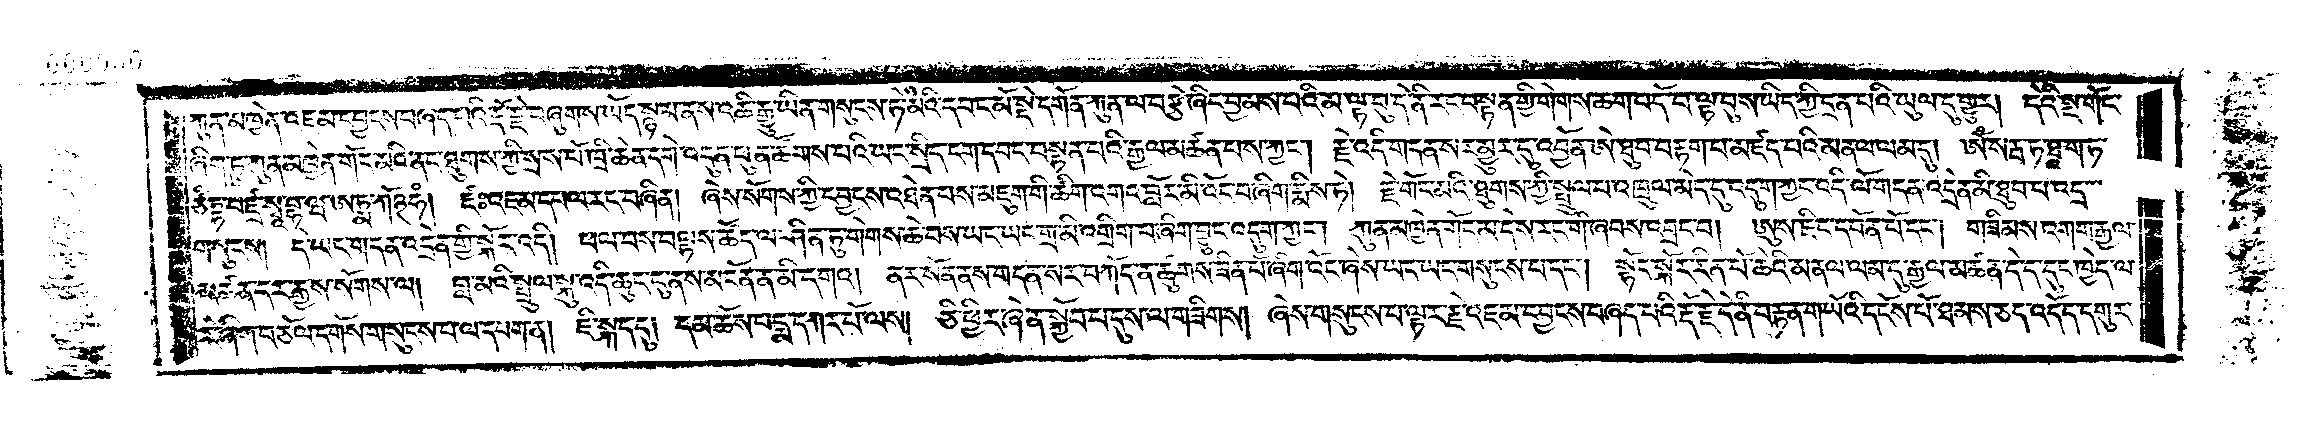ཀུན་མཁྱེན་འཇམ་དབྱངས་བཞད་པའི་རྡོ་རྗེ་བཞུགས་ཡོད་སྙམ་ནས་འཆི་རྒྱུ་ཡིན་གསུངས་ཏེ་མིའི་དབང་མོ་སྡེ་དགོན་ཀུན་ལ་བརྩེ་ཞིང་བྱམས་པའི་མ་ལྟ་བུ་དེ་ནི་རང་བསྟན་གྱི་གེགས་ཆག་བདོ་བ་ལྟ་བུས་ཡིད་ཀྱི་དྲན་པའི་ཡུལ་དུ་གྱུར། དེའི་སྔ་གོང་
ཞིག་ཏུ་ཀུན་མཁྱེན་གོང་མའི་ནང་ཐུགས་ཀྱི་སྲས་པོ་ཁྲི་ཆེན་དགེ་འདུན་ཕུན་ཚོགས་པའི་ཡང་སྲིད་ངག་དབང་བསྟན་པའི་རྒྱལ་མཚན་པས་ཀྱང་། རྗེ་འདི་གདན་སར་མྱུར་དུ་འབྱོན་ཨེ་ཐུབ་བརྟག་པ་མཛད་པའི་མནལ་ལམ་དུ། ཨོཾ་སརྦ་ཏ་ཐཱ་ག་ཏ་
ཙིཏྟ་བཛྲ་སྭཱ་བྷ་ཝ་ཨཏྨ་ཀོཉཧཾ། ཛཿ འཇམ་དཔལ་རང་བཞིན། ཞེས་སོགས་ཀྱི་དབྱངས་འཐེན་པས་མཇུག་གི་ཚིག་འགའ་བློར་མི་འོང་བ་ཞིག་རྨིས་ཏེ། རྗེ་གོང་མའི་ཐུགས་ཀྱི་སྤྲུལ་པ་འཁྲུལ་མེད་དུ་འདུག་ཀྱང་འདི་ལོ་གདན་འདྲེན་མི་ཐུབ་པ་འདྲ་
གསུངས། དེ་ཡང་གདན་འདྲེན་གྱི་སྐོར་འདི། ཕལ་བས་བལྟས་ཚོད་ལ་ཤིན་ཏུ་གེགས་ཆེ་བས་ཡང་ཡང་གྲ་མི་འགྲིག་པ་ཞིག་བྱུང་འདུག་ཀྱང་། ཀུན་མཁྱེན་གོང་མ་དེས་རང་གི་ཞབས་འབྲང་བ། ཨུས་ཇིང་དབོན་པོ་དང་། གཟིམས་འགག་རྒྱལ་
མཚན་དར་རྒྱས་སོགས་ལ། བླ་མའི་སྤྲུལ་སྐུ་འདི་ཆུང་དུ་ནས་མངོན་ན་མི་དགའ། ནར་སོན་ནས་གདན་སར་བཀོད་ན་ཚུགས་ཟིན་པོ་ཞིག་འོང་ཞེས་ཡང་ཡང་གསུངས་པ་དང་། སྟོང་སྐོར་རིན་པོ་ཆེའི་མནལ་ལམ་དུ་རྒྱལ་མཚན་དེད་དུང་ཁྱེད་ལ་
རེ་ཞིག་བཅོལ་དགོས་གསུངས་པ་ལ་དཔག་ན། ཇི་སྐད་དུ། དམ་ཆོས་པདམ་དཀར་པོ་ལས། ཅི་ཕྱིར་ཞེ་ན་སྐྱོབ་པ་དུས་ལ་གཟིགས། ཞེས་གསུངས་པ་ལྟར་རྗེ་འཇམ་དབྱངས་བཞད་པའི་རྡོ་རྗེ་དེ་ནི་བརྟན་གཡོའི་དངོས་པོ་ཐམས་ཅད་འདོད་དགུང་